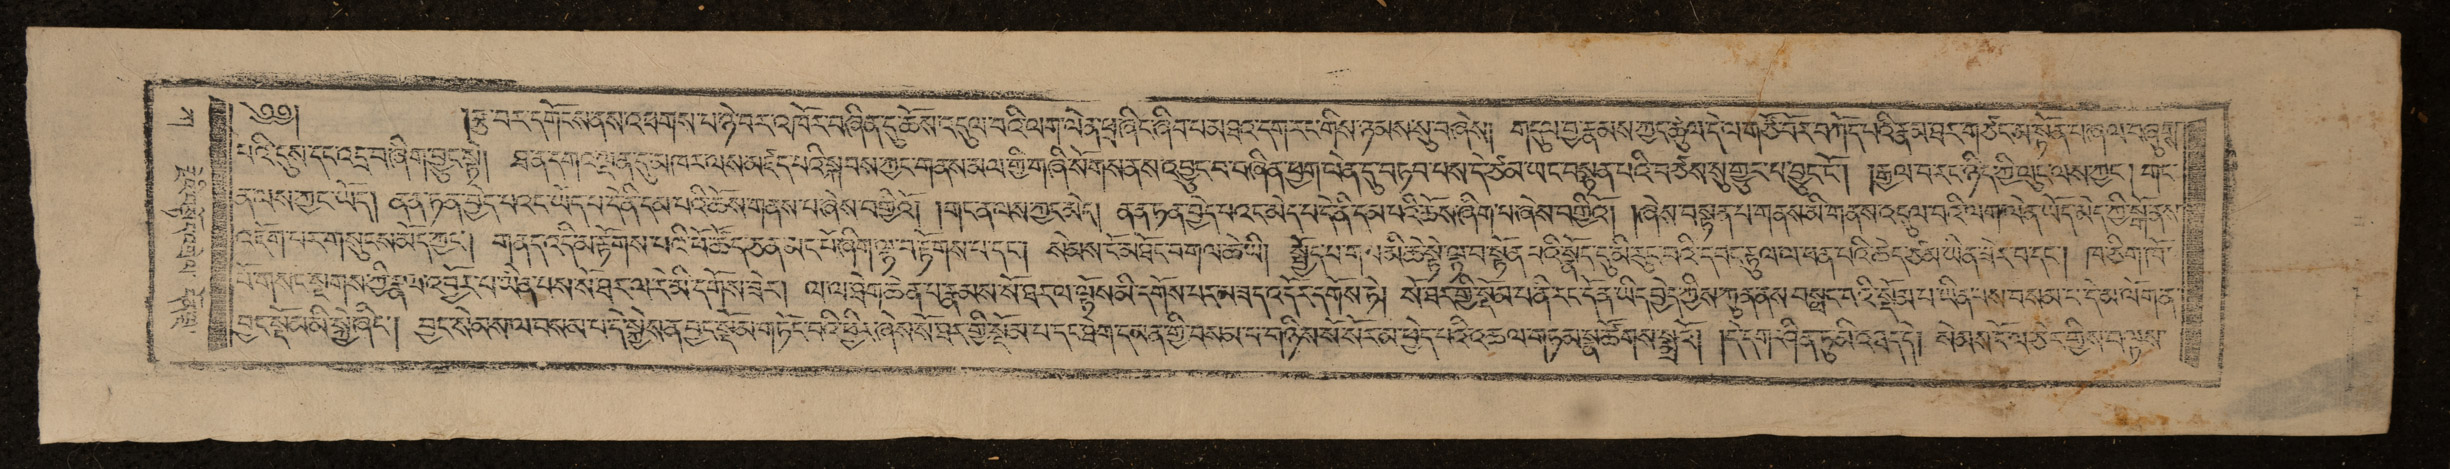༄༅། །རྩ་བར་དགོངས་ནས་འཕགས་བ་ཉེ་བར་འཁོར་བཞིན་དུ་ཆས་འདུལ་བའི་ལག་ལེན་ཕྲ་ཞིང་ཞིབ་བ་མཐའ་དག་རང་གིས་ཉམས་སུ་བཞེས། གདུལ་བྱ་རྣམས་ཀྱང་ཚུལ་དེ་ལ་གཙོ་བོར་བཀོད་བའི་རྣམ་ཐར་གཙང་མ་སྟོན་པ་ཞལ་བཞུགས་
པའི་དུས་དང་འདྲ་བ་ཞིག་བྱུང་སྟེ། ཐ་ན་དགའ་ལྡན་དུ་མཁར་ལས་མཛད་པའི་སྐབས་ཀྱང་གནས་མལ་གྱི་གཞི་སོགས་ནས་འབྱུང་བ་བཞིན་ཕྱག་ལན་དུ་བཏབ་པས་དེ་ཙམ་ཡང་བསྟན་བའི་བཙས་སུ་གྱུར་བ་བྱུང་ངོ། །རྒྱལ་བ་རྣག་ཉིད་ཀྱི་ལུང་ལས་ཀྱང་། གང་
ན་ལས་ཀྱང་ཡོད། ནན་ཏན་བྱད་པའང་ཡོད་བདེ་ནི་དམ་པའི་ཆོས་གནས་པ་ཞེས་པ་གྱིའོ། །གང་ན་ལས་ཀྱང་མེད། ནན་ཏན་བྱེད་བའང་མེད་བདེ་ནི་དམ་པའི་ཆོས་ཞིག་བ་ཞེས་བགྱིའོ། །ཞེས་བསྟན་པ་གནས་མི་གནས་འདུལ་བའི་ལག་ལེན་ཡོད་མེད་ཀྱི་སྒོ་ནས་
འཇོག་པར་གསུངས་མོད་ཀྱང་། གནད་འདི་མ་རྟོགས་པའི་ཕོ་ཚོད་ཅན་མང་པོ་ཞིག་ལྟ་བ་རྟོགས་པ་དང་། སེམས་ངོ་མཐོང་བ་གལ་ཆེ་ཡི། སྤྱོད་བ་གལ་མི་ཆེ་སྟེ་ལྟ་བསྟོན་བའི་སྣོད་དུ་མི་རུང་བའི་དབང་རྟུལ་ལ་ཕན་པའི་ཆེད་ཙམ་ཡིན་ཟེར་བ་དང་། ཁ་ཅིག་ཁོ་
བོག་འདུས་གས་ཀྱི་རྣལ་འབྱོར་བ་ཡིན་བས་སོ་ཐར་ལ་རེ་མི་དགོས་ཟེར། ལ་ལ་ཐེག་ཆེན་བ་རྣམས་སོ་ཐར་ལ་ལྟོས་མི་དགོས་པར་མ་ཟད་འདེར་དགོས་ཏེ། སོ་ཐར་གྱི་སྡོམ་པ་ནི་རང་དོན་ཡིད་བྱེད་ཀྱིས་ཀུན་ནས་བསླང་བའི་སྡོམ་པ་ཡིན་བས་བསམ་བདེ་མ་ལོག་ན་
བྱང་སྔོམ་མི་སྐྱེ་ཞིང་། བྱང་སེམས་ལ་བསམ་བདེ་སྐྱེས་ན་བྱང་སྡོམ་གཏོང་བའི་ཕྱིར་ཞེས་སོ་ཐར་གྱི་སྡོམ་པ་དང་ཐེག་དམན་གྱི་བསམ་པ་གཉིས་སོ་སོར་མ་ཕྱེད་བའི་འཆེལ་གཏམ་སྣ་ཚོགས་སྨྲའོ། །དེ་དག་ཤིན་ཏུ་མི་འཐད་དེ། སེམས་ངོ་ལ་ཅེར་གྱིས་བལྟས་